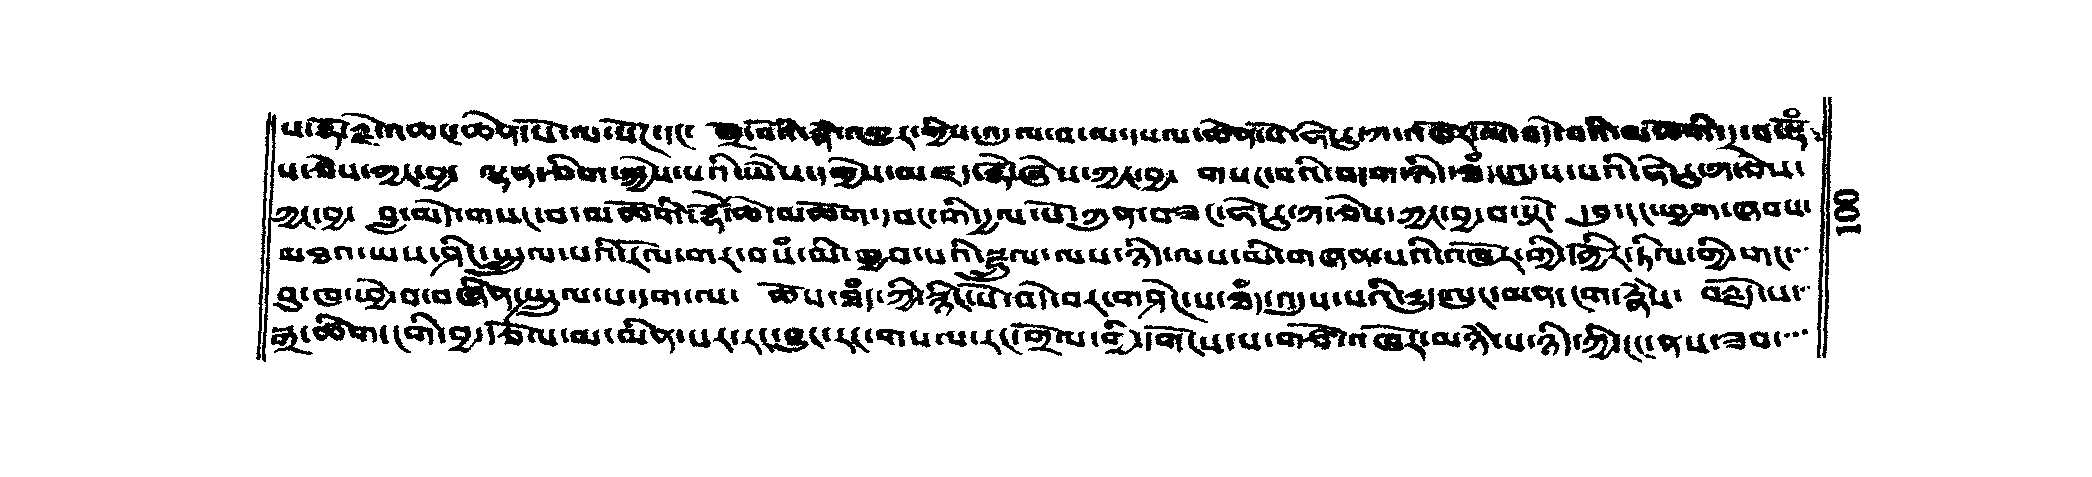པ་རྡོ་རྗེ་འཆང་ཆེན་པོ་ལ་སོགས་དང་། ཁྲོ་བོའི་རྣམ་འགྱུར་གྱིས་འདུལ་བ་ལ་དཔལ་ཆེན་པོ་ཧེ་རུ་ཀ་འཁོར་ལོ་བདེ་བའི་མཆོག་གི་དྲ་བ་སྡོམ་
པ་ཅེས་ཀྱང་བྱ། ལྷན་ཅིག་སྐྱེས་པའི་ཡེ་ཤེས་དགྱེས་མཛད་རྡོ་རྗེ་ཞེས་ཀྱང་བྱ། གསང་བའི་བདག་ཉིད་ཐམས་ཅད་འདུས་པའི་ཧེ་རུ་ཀ་ཅེས་
ཀྱང་བྱ། བླ་མེད་གསང་བ་མཆོག་གི་རྡོ་རྗེ་ཆེ་མཆོག་དབང་གི་རྒྱལ་པོ་ཀུན་བཟང་ཧེ་རུ་ཀ་ཅེས་ཀྱང་བྱ་བ་སྟེ། དབུ་དང་ཕྱག་ཞབས་
མཐའ་ཡས་ཤིང་སྤྲུལ་པའི་རོལ་གར་བསམ་མི་ཁྱབ་པའི་རྫུ་འཕྲུལ་ལས་ཉིད་ལ་མི་གཞན་པའི་འཁོར་གྱི་དཀྱིལ་འཁོར་ཏིལ་གྱི་གང་
བཡ་ཁ་ཕྱེ་བ་བཞིན་སྤྲུལ་པ་དག་ལ། ཆོས་ཐམས་ཅད་ཀྱི་སྙིང་པོ་བདེ་བར་གཤེགས་པ་ཐམས་ཅད་འདུས་པའི་རྒྱུད་ལུང་མན་ངག་རྣམས། བརྗོད་པ་
སྒྲ་ཚིག་ངག་གི་བྱ་རྩོལ་མ་ཡིན་པར་རང་བྱུང་རང་གསལ་རང་གྲོལ་གྱི་དགོངས་པ་གཙོ་འཁོར་མཉམ་པ་ཉིད་ཀྱི་ངང་ནས་ཟབ་